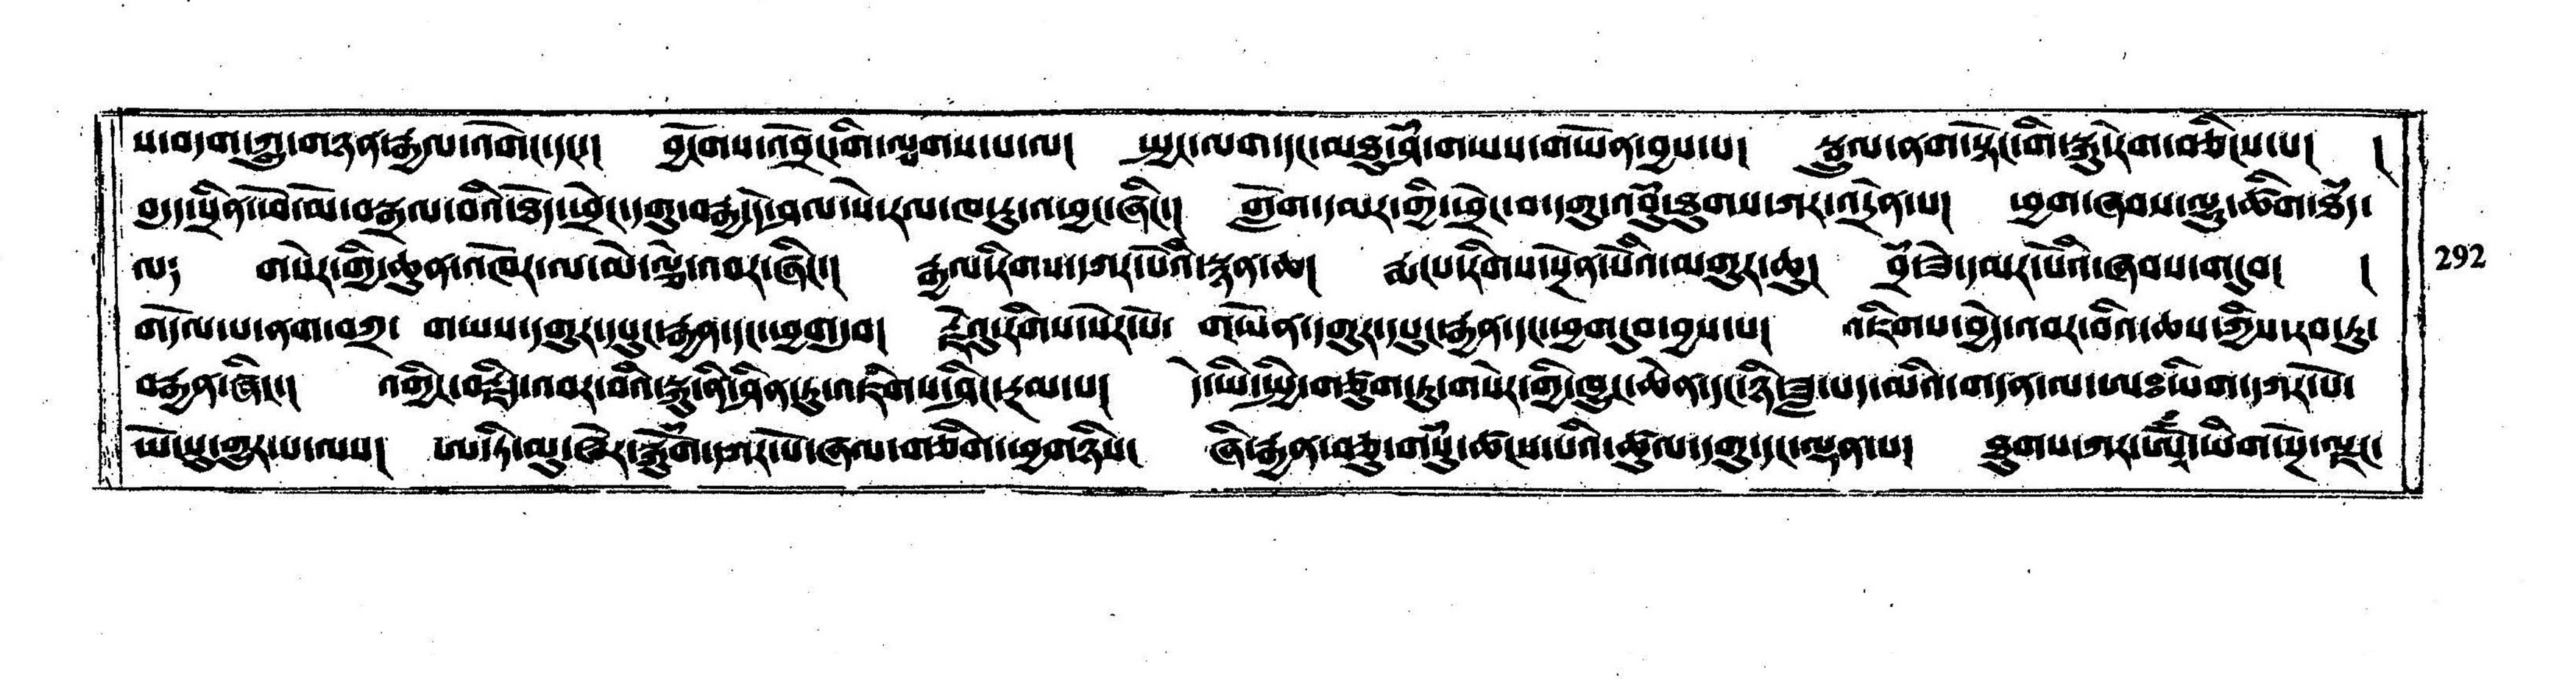ས་བདག་ཀླུ་གཉན་རྒྱལ་འགོང་དང་། བྱང་ཕྱོགས་འབྲོང་གི་ལྤགས་པ་ལ། སྤྱང་ལག་དང་མཐུ་ཤམ་གཡས་གཡོན་བྱས་པ། སྦྲུལ་ནག་སྟོང་གི་སྐུ་རེག་བཅིངས་པ། 
བདུད་སྲིན་ཕོ་མོ་བསྒྲལ་བའི་ཐོད་ཕྲེང་དགུ་བརྒྱ་དོ་ཤལ་སེ་རལ་ཁ་རུ་འཕྱང་ཞིང་། གློག་དམར་གྱི་ཕྲེང་བ་དགུ་འབུམ་ཐུགས་ཀར་འདྲེན་པ། ཕྱག་ཞབས་ལྷུ་ཚིག་ཐམས་ཅད་
ལ། གསེར་གྱི་ཆུན་འཁོར་ལ་མེ་ལྕེ་འབར་ཞིང་། རྒྱལ་རིགས་དཀར་པོའི་སྙན་ཆ། རྨངས་རིགས་སྔོན་པོའི་མགུར་ཆུ། བྲམ་ཟེ་དམར་པོའི་ཞབས་གདུབ། 
གདོལ་པ་ནག་བཀྲ་གཡས་དགུར་དཔུང་རྒྱན་དང་ཕྱག་གདུབ། རྗེའུ་རིགས་སེར་པོ་གཡོན་དགུར་དཔུང་རྒྱན་དང་ཕྱག་གདུབ་བྱས་པ། འཇིགས་བྱེད་འབར་བའི་ཆས་ཀྱིས་རབ་ཏུ་
བརྒྱན་ཞིང་། འགྱིང་བརྗིད་འབར་བའི་སྐུ་ནི་ཤིན་ཏུ་འཇིགས་ཤིང་རྔམ་པ། དེ་ཡི་སྤྱི་གཙུག་ཏུ་གསེར་གྱི་ཁྱུང་ཆེན་དང་ཉི་ཟླ་པད་མའི་གདན་ལ་ཨཿཡིག་དཀར་པོ་
ཡོངས་སུ་གྱུར་པ་ལས། ཨ་ཏི་མུ་ཝེར་སྐུ་མདོག་དཀར་པོ་ཞལ་གཅིག་ཕྱག་གཉིས། ཞི་རྒྱན་བཅུ་གསུམ་ཚངས་པའི་ཚུལ་དགུ་དང་ལྡན་པ། ཐུགས་ཀར་ཨཱོཾ་ཡིག་སྔོ་ལྗང་